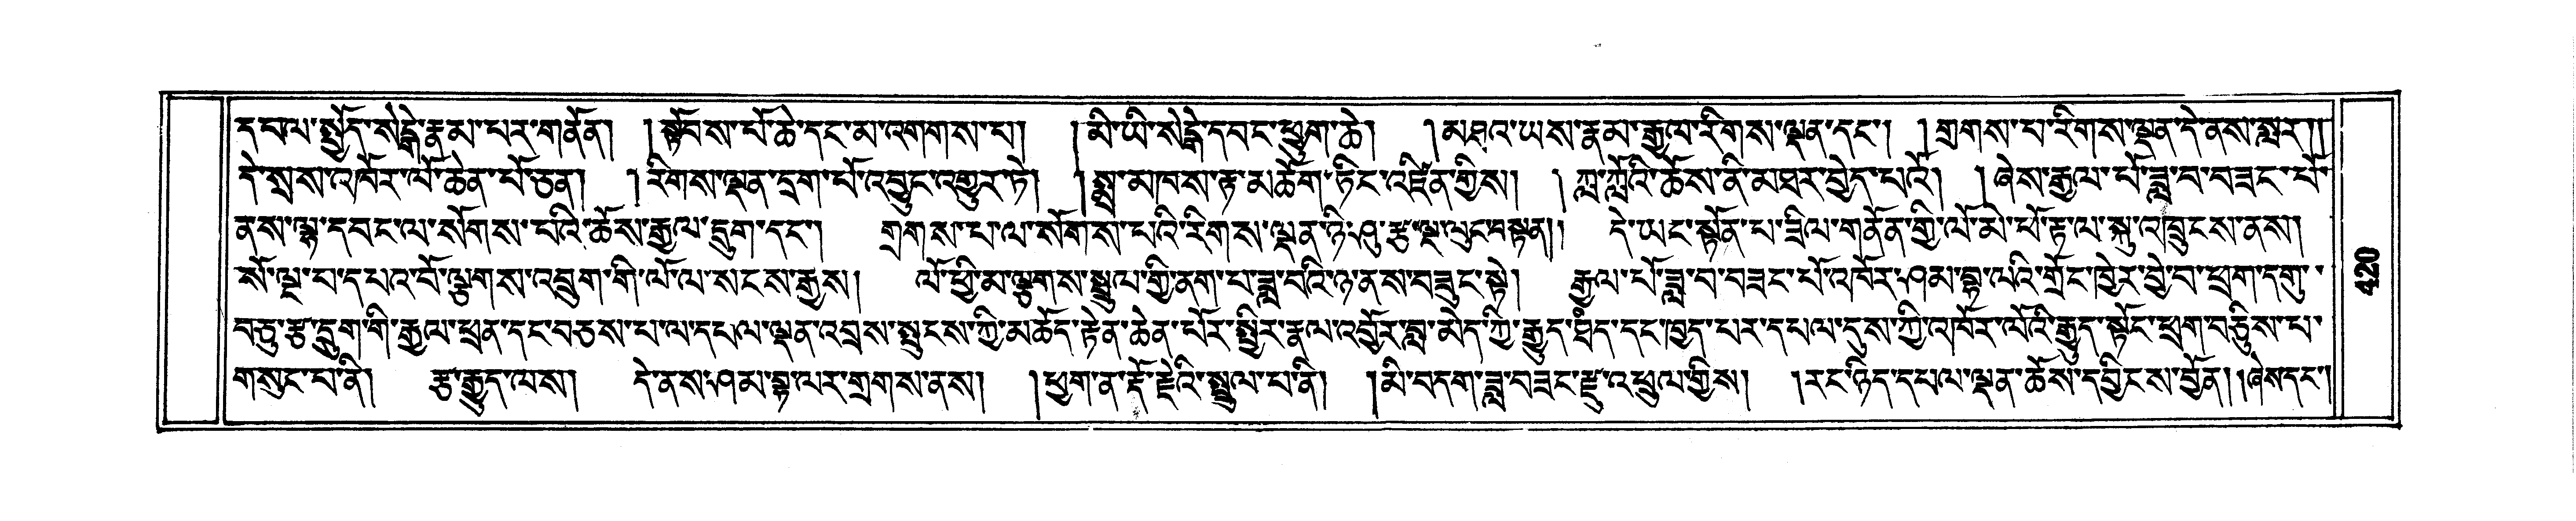དཔལ་སྤྱོད་སེངྒེ་རྣམ་པར་གནོན། །སྟོབས་པོ་ཆེ་དང་མ་འགགས་པ། །མི་ཡི་སེངྒེ་དབང་ཕྱུག་ཆེ། །མཐའ་ཡས་རྣམ་རྒྱལ་རིགས་ལྡན་དང་། །གྲགས་པ་རིགས་ལྡན་དེ་ནས་སླར།།
དེ་སྲས་འཁོར་ལོ་ཆེན་པོ་ཅན། །རིགས་ལྡན་དྲག་པོ་འབྱུང་འགྱུར་ཏེ། །སྨྲ་མཁས་རྟ་མཆོག་ཏིང་འཛིན་གྱིས། །ཀླ་ཀློའི་ཆོས་ནི་མཐར་བྱེད་པའོ། །ཞེས་རྒྱལ་པོ་ཟླ་བ་བཟང་པོ་
ནས་ལྷ་དབང་ལ་སོགས་པའི་ཆོས་རྒྱལ་དྲུག་དང་། གྲགས་པ་ལ་སོགས་པའི་རིགས་ལྡན་ཉི་ཤུ་རྩ་ལྔ་ལུང་བསྟན། །དེ་ཡང་སྟོན་པ་ཟིལ་གནོན་གྱི་ལོ་མེ་ཕོ་རྟ་ལ་སྐུ་འཁྲུངས་ནས།
སོ་ལྔ་པ་དཔའ་བོ་ལྕགས་འབྲུག་གི་ལོ་ལ་སངས་རྒྱས། ལོ་ཕྱི་མ་ལྕགས་སྦྲུལ་གྱི་ནག་པ་ཟླ་བའི་ཉ་ནས་བཟུང་སྟེ། རྒྱལ་པོ་ཟླ་བ་བཟང་པོ་འཁོར་ཤམ་བྷ་ལའི་གྲོང་ཁྱེར་བྱེ་བ་ཕྲག་དགུ་
བཅུ་རྩ་དྲུག་གི་རྒྱལ་ཕྲན་དང་བཅས་པ་ལ་དཔལ་ལྡན་འབྲས་སྤུངས་ཀྱི་མཆོད་རྟེན་ཆེན་པོར་སྤྱིར་རྣལ་འབྱོར་བླ་མེད་ཀྱི་རྒྱུད་ཐཾ་ད་དང་ཁྱད་པར་དཔལ་དུས་ཀྱི་འཁོར་ལོའི་རྒྱུད་སྟོང་ཕྲག་བཅིས་པ་
གསུང་པ་ནི། རྩ་རྒྱུད་ལས། དེ་ནས་ཤམ་བྷ་ལར་གྲགས་ནས། །ཕྱག་ན་རྡོ་རྗེའི་སྤྲུལ་པ་ནི། །མི་བདག་ཟླ་བཟང་རྫུ་འཕྲུལ་གྱིས། །རང་ཉིད་དཔལ་ལྡན་ཆོས་དབྱིངས་བྱོན། །ཞེས་དང་།